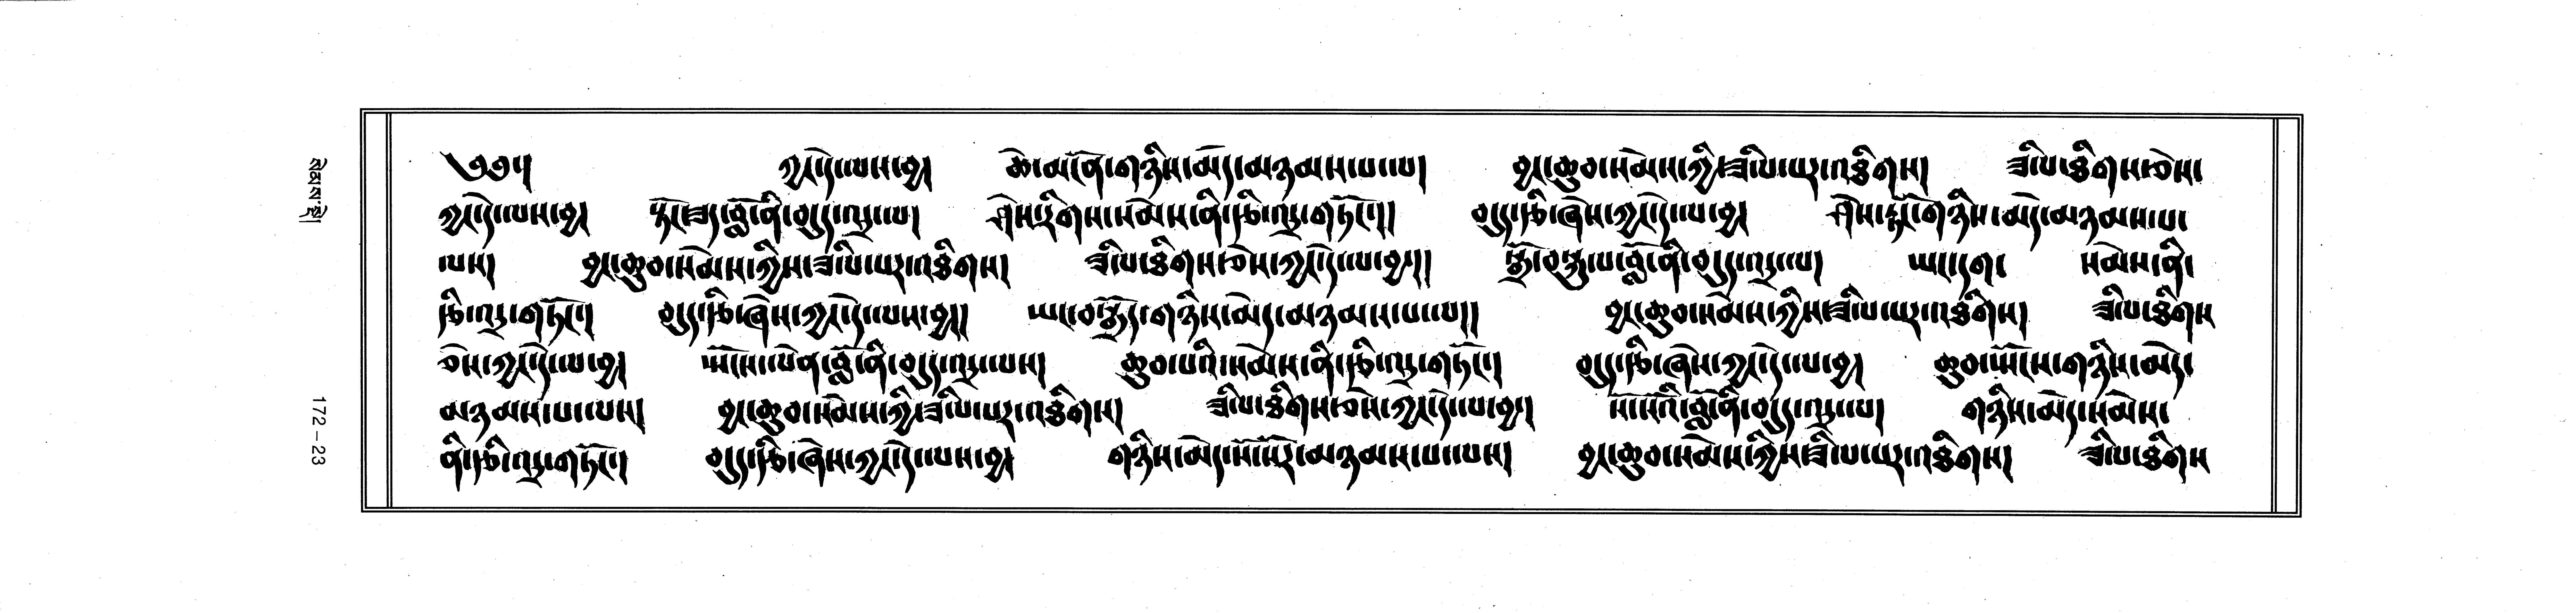ཀྱང་དེ་ལ་བྱ། ཡེ་སྨོས་གཉིས་མེད་མཉམས་པ་ལས། བྱང་ཆུབ་སེམས་ཀྱི་ཟིལ་པར་འཐིགས། ཟིལ་ཐིགས་ཅེས་
ཀྱང་དེ་ལ་བྱ། མངོན་ཤེས་བློ་ནི་བདུད་འདྲ་ལ། ཆེ་བའི་སེམས་ནི་རྩི་འདྲ་གཏོང་། བདུད་རྩི་ཞེས་ཀྱང་དེ་ལ་བྱ། ཆེ་མངོན་གཉིས་མེད་མཉམས་པ་
ལས། བྱང་ཆུབ་སེམས་ཀྱི་ཟིལ་པར་འཐིགས། ཟིལ་ཐིགས་ཅེས་ཀྱང་དེ་ལ་བྱ། སྟོད་ཟད་བློ་ནི་བདུད་འདྲ་ལ། ཤེས་རིགས་སེམས་ནི་
རྩི་འདྲ་གཏོང་། བདུད་རྩི་ཞེས་ཀྱང་དེ་ལ་བྱ། ཤེས་རྟོང་གཉིས་མེད་མཉམས་པ་ལས། བྱང་ཆུབ་སེམས་ཀྱི་ཟིལ་པར་འཐིགས། ཟིལ་ཐིགས་
ཅེས་ཀྱང་དེ་ལ་བྱ། སྒྲོ་བསྐུལ་བློ་ནི་བདུད་འདྲ་ལ། ཡང་དག་སེམས་ནི་རྩི་འདྲ་གཏོང་། བདུད་རྩི་ཞེས་ཀྱང་དེ་ལ་བྱ། ཡང་བསྒྲོད་གཉིས་མེད་
མཉམས་པ་ལས། བྱང་ཆུབ་སེམས་ཀྱི་ཟིལ་པར་འཐིགས། ཟིལ་ཐིགས་ཅེས་ཀྱང་དེ་ལ་བྱ། སྤོངས་ལེན་བློ་ནི་བདུད་འདྲ་ལ། ཆུབ་པའི་སེམས་
ནི་རྩི་འདྲ་གཏོང་། བདུད་རྩི་ཞེས་ཀྱང་དེ་ལ་བྱ། ཆུབ་སྤོངས་གཉིས་མེད་མཉམས་པ་ལས། བྱང་ཆུབ་སེམས་ཀྱི་ཟིལ་པར་འཐིགས། ཟིལ་ཐིགས་